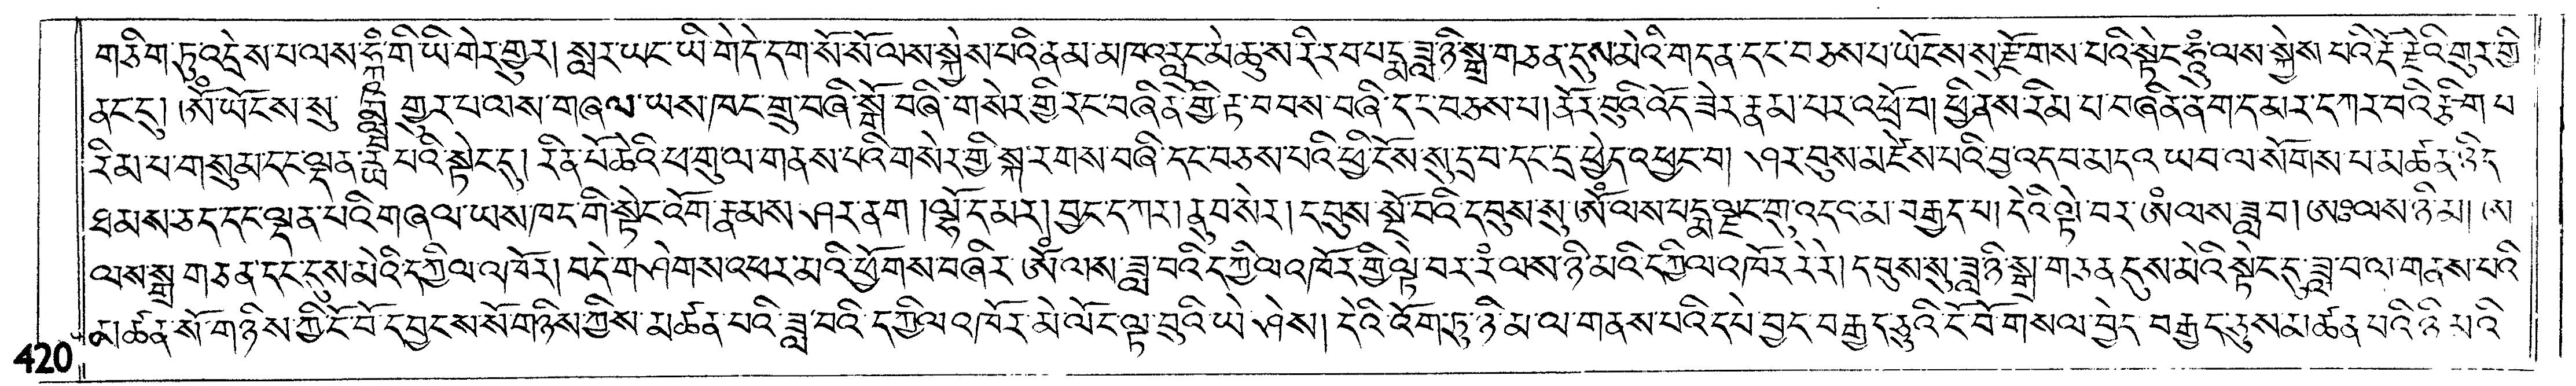གཅིག་ཏུ་འདྲེས་པ་ལས་ཧྐྵྨླྦྲྱཾ་གི་ཡི་གེར་གྱུར། སླར་ཡང་ཡི་གེ་དེ་དག་སོ་སོ་ལས་སྐྱེས་པའི་ནམ་མཁའ་རླུང་མེ་ཆུ་ས་རི་རབ་པདམ་ཟླ་ཉི་སྒྲ་གཅན་དུས་མེའི་གདན་དང་བཅས་པ་ཡོངས་སུ་རྫོགས་པའི་སྟེང་ཧཱུཾ་ལས་སྐྱེས་པའི་རྡོ་རྗེའི་གུར་གྱི་
ནང་དུ། ཨོཾ་ཡོངས་སུ་གྱུར་པ་ལས་གཞལ་ཡས་ཁང་གྲུ་བཞི་སྒོ་བཞི་གསེར་གྱི་རང་བཞིན་གྱི་རྟ་བབས་བཞི་དང་བཅས་པ། ནོར་བུའི་འོད་ཟེར་རྣམ་པར་འཕྲོ་བ། ཕྱི་ནས་རིམ་པ་བཞིན་ནག་དམར་དཀར་བའི་རྩིག་པ་
རིམ་པ་གསུམ་དང་ལྡན་པའི་སྟེང་དུ། རིན་པོ་ཆེའི་ཕ་གུ་ལ་གནས་པའི་གསེར་གྱི་སྐ་རགས་བཞི་དང་བཅས་པའི་ཕྱི་ངོས་སུ་དྲ་བ་དང་དྲ་ཕྱེད་འཕྱང་བ། ཤར་བུས་མཛེས་པའི་བྱ་འདབ་མདའ་ཡབ་ལ་སོགས་པ་མཚན་ཉིད་
ཐམས་ཅད་དང་ལྡན་པའི་གཞལ་ཡས་ཁང་གི་སྟེང་འོག་རྣམས་ཤར་ནག །ལྷོ་དམར། བྱང་དཀར། ནུབ་སེར། དབུས་སྔོ་བའི་དབུས་སུ་ཨོཾ་ལས་པདམ་ལྗང་གུ་འདའ་མ་བརྒྱད་པ། དེའི་ལྟེ་བར་ཨཾ་ལས་ཟླ་བ། ཨཿ ལས་ཉི་མ། ཨ་
ལས་སྒྲ་གཅན་དང་དུས་མེའི་དཀྱིལ་འཁོར། བདེ་གཤེགས་འཕར་མའི་ཕྱོགས་བཞིར་ཨོཾ་ལས་ཟླ་བའི་དཀྱིལ་འཁོར་གྱི་ལྟེ་བར་རཾ་ལས་ཉི་མའི་དཀྱིལ་འཁོར་རེ་རེ། དབུས་སུ་ཟླ་ཉི་སྒྲ་གཅན་དུས་མེའི་སྟེང་དུ་ཟླ་བ་ལ་གནས་པའི་
མཚན་སོ་གཉིས་ཀྱི་ངོ་བོ་དབྱངས་སོ་གཉིས་ཀྱིས་མཚན་པའི་ཟླ་བའི་དཀྱིལ་འཁོར་མེ་ལོང་ལྟ་བུའི་ཡེ་ཤེས། དེའི་འོག་ཏུ་ཉི་མ་ལ་གནས་པའི་དཔེ་བྱང་བརྒྱད་ཅུའི་ངོ་བོ་གསལ་བྱེད་བརྒྱད་ཅུས་མཚན་པའི་ཉི་མའི་